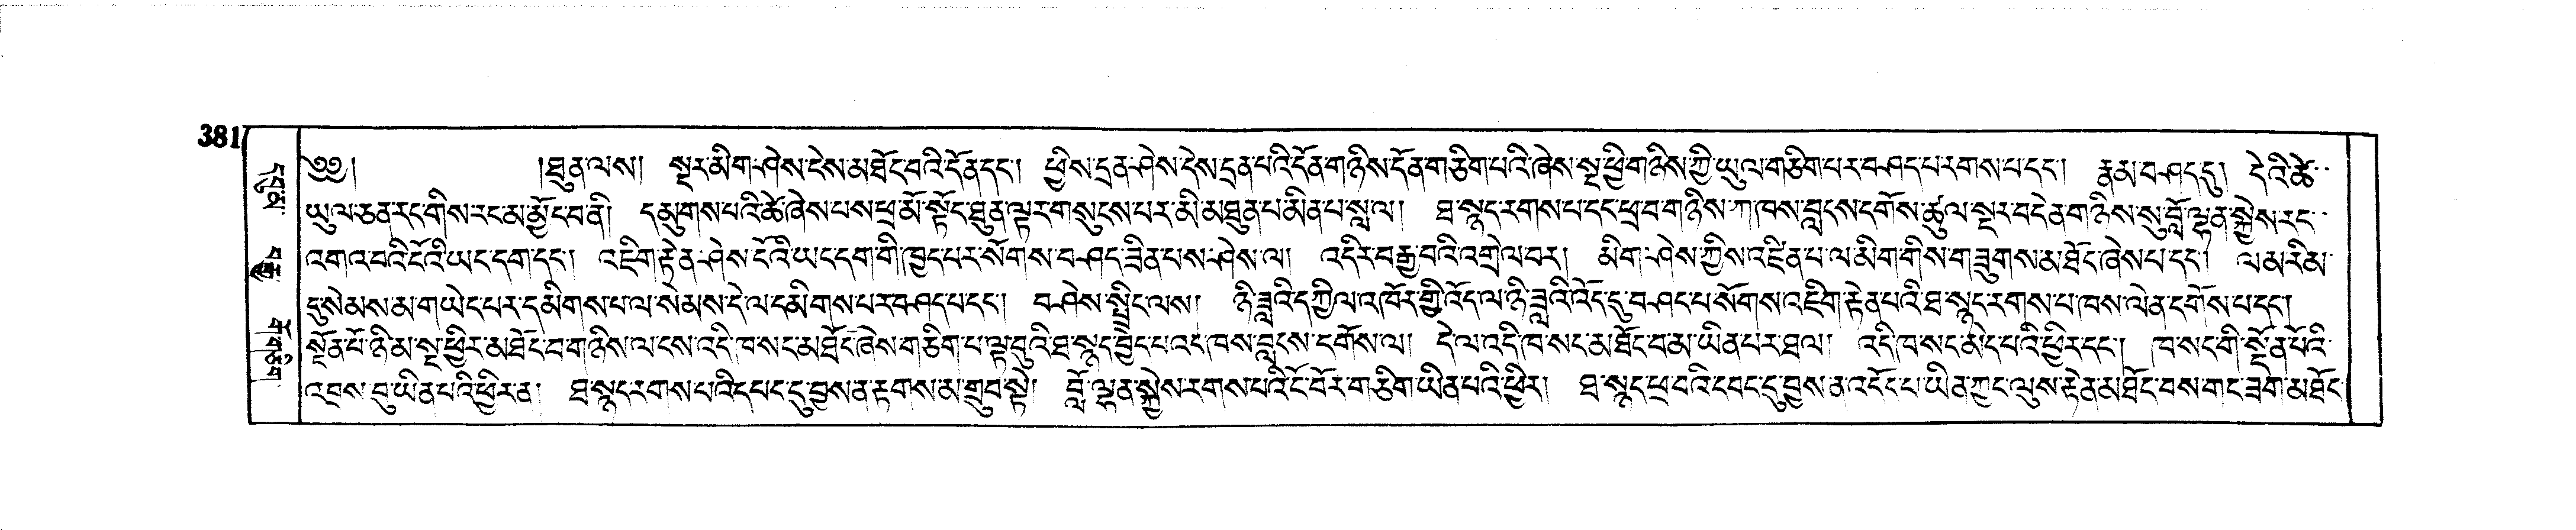༄༅། །ཐུན་ལས། སྔར་མིག་ཤེས་ངེས་མཐོང་བའི་དོན་དང་། ཕྱིས་དྲན་ཤེས་དེས་དྲན་པའི་དོན་གཉིས་དོན་གཅིག་པའི་ཞེས་སྔ་ཕྱི་གཉིས་ཀྱི་ཡུལ་གཅིག་པར་བཤད་པ་རགས་པ་དང་། རྣམ་བཤད་དུ། དེའི་ཚེ་
ཡུལ་ཅན་རང་གིས་རང་མ་མྱོང་བ་ནི། དམུགས་པའི་ཚེ་ཞེས་པས་ཕྲ་མོ་སྟོང་ཐུན་ལྟར་གསུངས་པར་མི་མཐུན་པ་མིན་པ་སླ་ལ། ཐ་སྙད་རགས་པ་དང་ཕྲ་བ་གཉིས་ཀ་ཁས་བླངས་དགོས་ཚུལ་སྔར་བདེན་གཉིས་སུ་བློ་ལྷན་སྐྱེས་རང་
འགའ་བའི་ངོའི་ཡང་དག་དང་། འཇིག་རྟེན་ཤེས་ངོའི་ཡང་དག་གི་ཁྱད་པར་སོགས་བཤད་ཟིན་པས་ཤེས་ལ། འདིར་བརྒྱ་བའི་འགྲེལ་བར། མིག་ཤེས་ཀྱིས་འཛིན་པ་ལ་མིག་གིས་གཟུགས་མཐོང་ཞེས་པ་དང་། ལམ་རིམ་
དུ་སེམས་མ་གཡེང་པར་དམིགས་པ་ལ་སེམས་དེ་ལ་དམིགས་པར་བཤད་པ་དང་། བཤེས་སྤྲིང་ལས། ཉི་ཟླའི་དཀྱིལ་འཁོར་གྱི་འོད་ལ་ཉི་ཟླའི་འོད་དུ་བཤད་པ་སོགས་འཇིག་རྟེན་པའི་ཐ་སྙད་རགས་པ་ཁས་ལེན་དགོས་པ་དང་།
སྔོན་པོ་ཉི་མ་སྔ་ཕྱིར་མཐོང་བ་གཉིས་ལ་ངས་འདི་ཁ་སང་མཐོང་ཞེས་གཅིག་པ་ལྟ་བུའི་ཐ་སྙད་བྱེད་པའང་ཁས་བླངས་དགོས་ལ། དེ་ལ་འདི་ཁ་སང་མཐོང་བ་མ་ཡིན་པར་ཐལ། འདི་ཁ་སང་མེད་པའི་ཕྱིར་དང་། ཁ་སང་གི་སྔོན་པོའི་
འབྲས་བུ་ཡིན་པའི་ཕྱིར་ན། ཐ་སྙད་རགས་པའི་དཔང་དུ་བྱས་ན་རྟགས་མ་གྲུབ་སྟེ། བློ་ལྷན་སྐྱེས་རགས་པའི་ངོ་བོར་གཅིག་ཡིན་པའི་ཕྱིར། ཐ་སྙད་ཕྲ་བའི་དབང་དུ་བྱས་ན་འདོད་པ་ཡིན་ཀྱང་ལུས་རྟེན་མཐོང་བས་གང་ཟག་མཐོང་